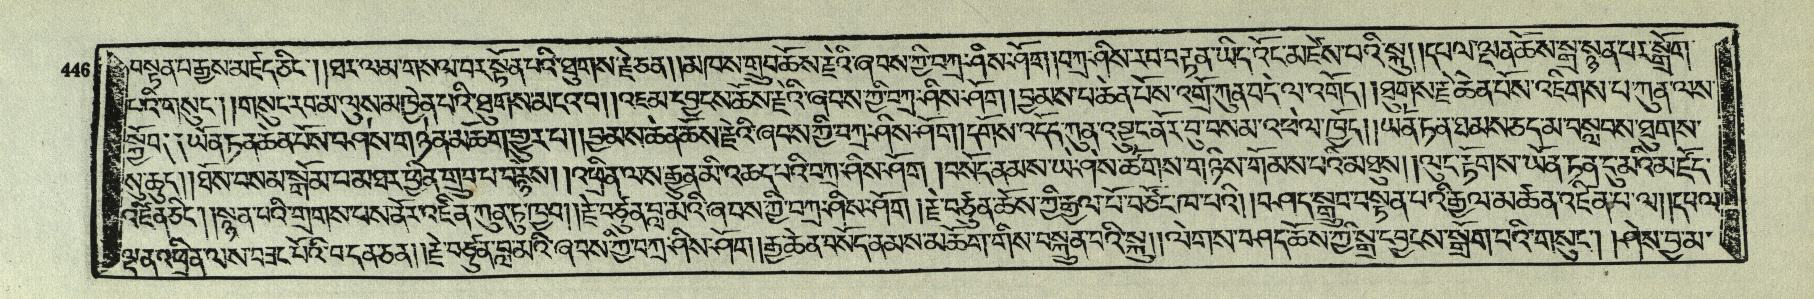བསྟན་པ་རྒྱས་མཛད་ཅིང་། །ཐར་ལམ་གསལ་བར་སྟོན་པའི་ཐུགས་རྗེ་ཅན། །མཁས་གྲུབ་ཆོས་རྗེའི་ཞབས་ཀྱི་བཀྲ་ཤིས་ཤོག །བཀྲ་ཤིས་རབ་བརྟན་ཡིད་འོང་མཛེས་པའི་སྐུ། །དཔལ་ལྡན་ཆོས་སྒྲ་སྙན་པར་སྒྲོག་
པའི་གསུང་། །གསུང་རབ་མ་ལུས་མཁྱེན་པའི་ཐུགས་མངའ་བ། །འཇམ་དབྱངས་ཆོས་རྗེའི་ཞབས་ཀྱི་བཀྲ་ཤིས་ཤོག །བྱམས་པ་ཆེན་པོས་འགྲོ་ཀུན་བདེ་ལ་འགོད། །ཐུགས་རྗེ་ཆེན་པོས་འཇིགས་པ་ཀུན་ལས་
སྐྱོབ༑ ༑ཡོན་ཏན་ཆེན་པོས་བཤེས་གཉེན་མཆོག་གྱུར་པ། །བྱམས་ཆེན་ཆོས་རྗེའི་ཞབས་ཀྱི་བཀྲ་ཤིས་བཀྲ་ཤིས་ཤོག །དགོས་འདོད་ཀུན་འབྱུང་ནོར་བུ་བསམ་འཕེལ་ཁྱོད། །ཡོན་ཏན་ཐམས་ཅད་མ་བསླབས་ཐུགས་
སུ་ཆུད། །ཐོས་བསམ་སྒོམ་པ་མཐར་ཕྱིན་གྲུབ་པ་བརྙེས། །འཕྲིན་ལས་རྒྱུན་མི་འཆད་པའི་བཀྲ་ཤིས་ཤོག །བསོད་ནམས་ཡེ་ཤེས་ཚོགས་གཉིས་གོམས་པའི་མཐུས། །ལུང་རྟོགས་ཡོན་ཏན་དུ་མའི་མཛོད་
འཛིན་ཅིང་། །སྙན་པའི་གྲགས་པས་ནོར་འཛིན་ཀུན་ཏུ་ཁྱབ། །རྗེ་བཙུན་བླ་མའི་ཞབས་ཀྱི་བཀྲ་ཤིས་ཤོག །རྗེ་བཙུན་ཆོས་ཀྱི་རྒྱལ་པོ་བཙོང་ཁ་པའི། །བཤད་སྒྲུབ་བསྟན་པའི་རྒྱལ་མཚན་འཛིན་པ་ལ། །དཔལ་
ལྡན་འཕྲིན་ལས་བཟང་པོའི་བ་དན་ཅན། །རྗེ་བཙུན་བླ་མའི་ཞབས་ཀྱི་བཀྲ་ཤིས་ཤོག །རྒྱ་ཆེན་བསོད་ནམས་མཆོག་གིས་བསྐྲུན་པའི་སྐུ། །ལེགས་བཤད་ཆོས་ཀྱི་སྒྲ་དབྱངས་སྒྲོག་པའི་གསུང་། །ཤེས་བྱ་མ་